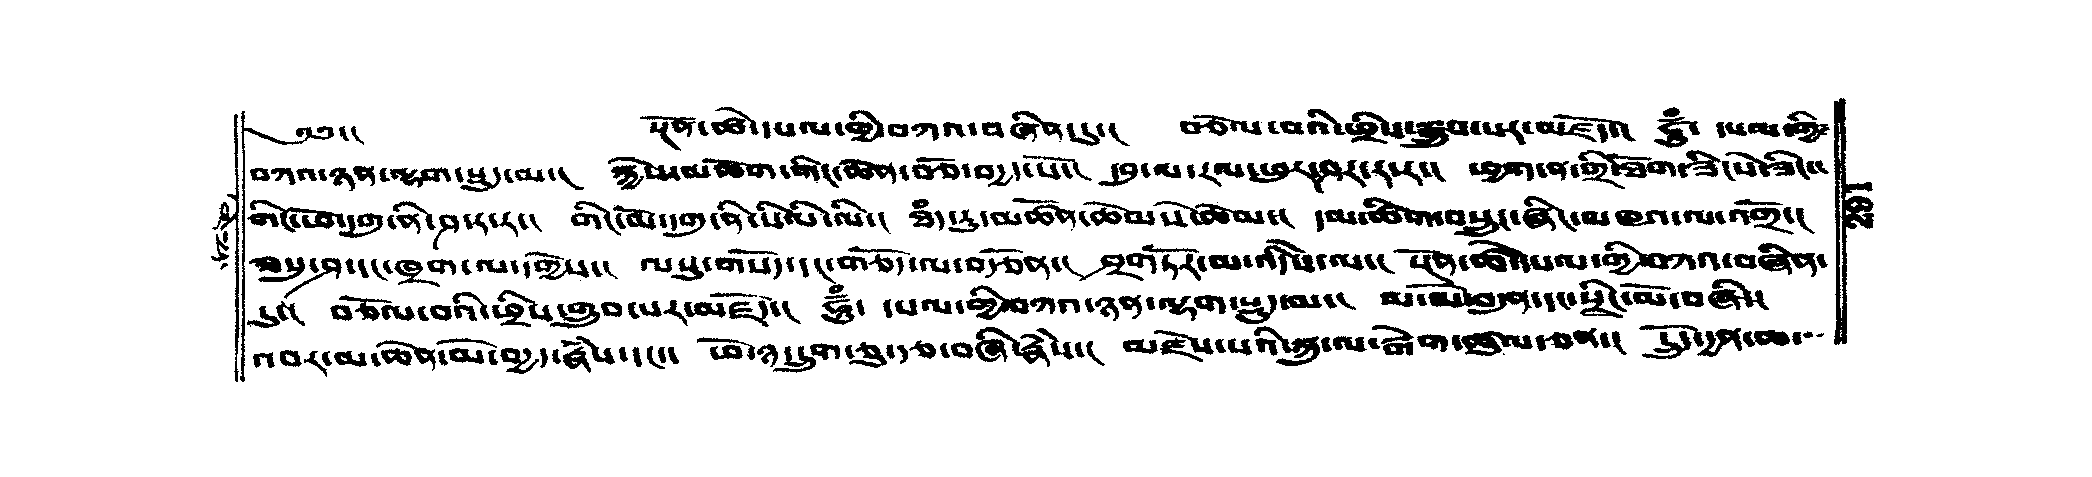སྔོན་ཚེ་དཔལ་གྱི་བཀའ་བཞིན་དུ། །བཅོལ་བའི་ཕྲིན་ལས་བསྒྲུབ་པར་མཛོད། ། ཧཱུྃ། དཔལ་གྱི་
བཀའ་ཉན་ལྷག་སྡུད་མ། །སྐྱེས་མཆོག་གིང་ཆེན་བཅོ་བརྒྱད་པོ། །དབུ་ལ་རལ་ཕུར་ཤ་ར་ར། །ཕྱག་ན་གྲི་ཐོག་ཟིངས་སེ་ཟིང་། 
གིང་ཕོ་དགུ་ནི་ཤ་ར་ར། །གིང་མོ་དགུ་ནི་སི་ལི་ལི། །ཐམས་ཅད་རུ་མཚོན་ཆེམས་སེ་ཆེམ། དམ་ཚིག་བསྲུང་ཞིང་མཁའ་ལ་འགྲོ་
ཟས་སུ་ཤ་དང་ཁྲག་ལ་དགྱེས། །ལས་སུ་གསོད་དང་གཅོད་ལ་བརྩོན། །ཤ་ཁྲག་གཏོར་མ་འདི་བཞེས་ལ། །སྔོན་ཚེ་དཔལ་གྱི་བཀའ་བཞིན་
དུ། །བཅོལ་བའི་ཕྲིན་ལས་གྲུབ་པར་མཛོད། ། ཧཱུྃ། དཔལ་གྱི་བཀའ་ཉན་ལྷག་སྡུད་མ། །མ་མོ་བདུན་དང་སྲིང་མོ་བཞི། །
འབར་མ་ཆེན་མོ་བརྒྱད་རྣམས་དང་། །ཕོ་ཉ་དྲུག་ཅུ་རྩ་བཞི་རྣམས། །མཛེས་པའི་སྐུ་ལ་སྒེག་ཚུལ་ཅན། །དུར་ཁྲོད་རྒྱན་ཆ་